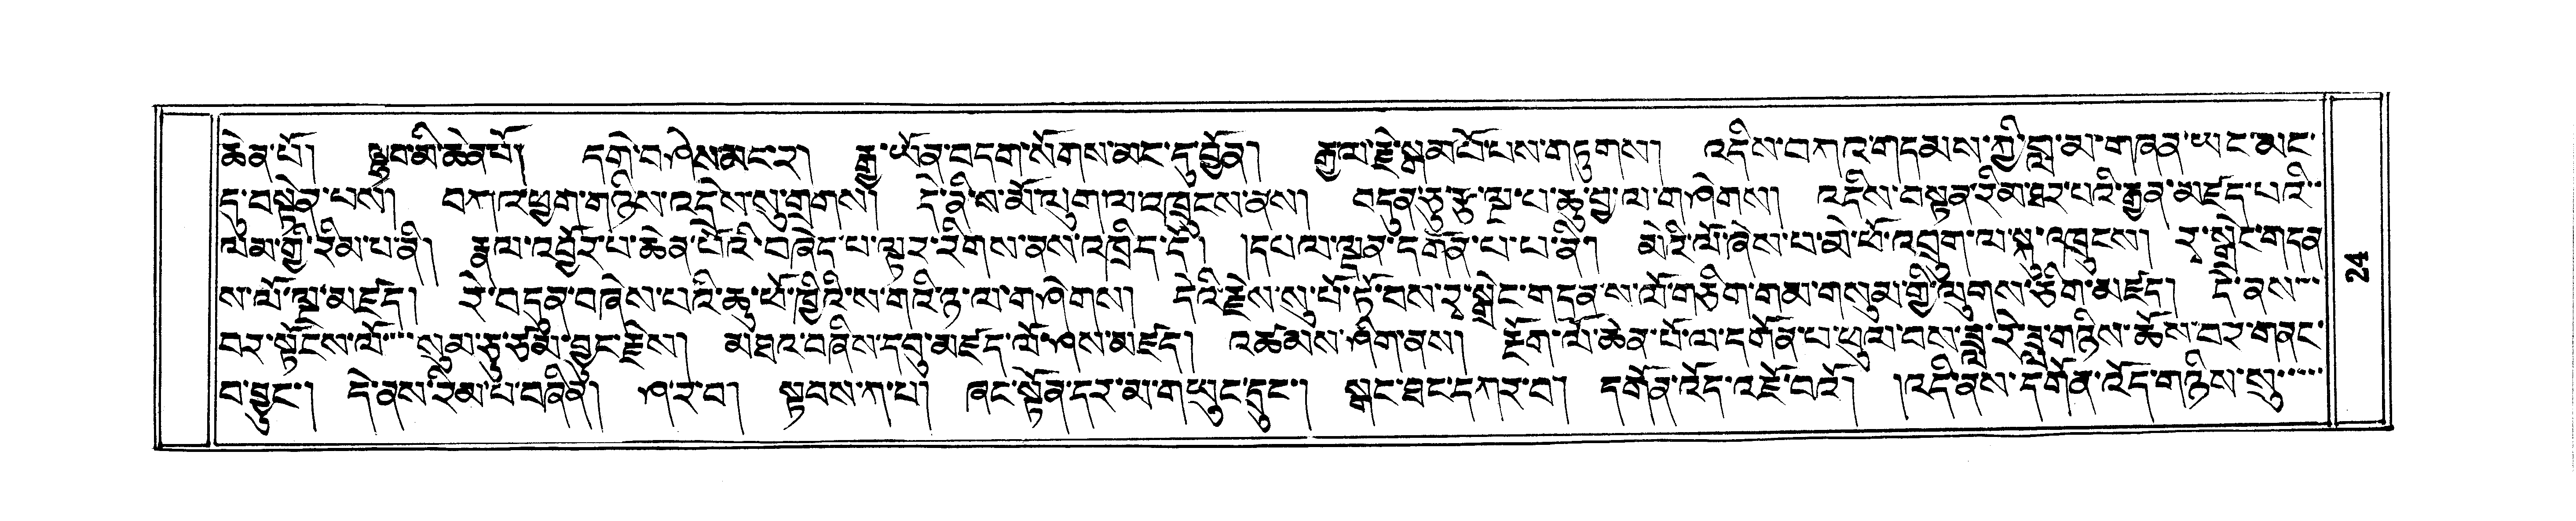ཆེན་པོ། ལྷབ་མི་ཆེན་པོ། དགེ་བཤེས་མངར། རྒྱ་ཡོན་བདག་སོགས་མང་དུ་བྱོན། རྒྱ་ལ་རྗེ་སྒམ་པོ་པས་གཏུགས། འདིས་བཀའ་གདམས་ཀྱི་བླ་མ་གཞན་ཡང་མང་
དུ་བསྟེན་པས། བཀའ་ཕྱག་གཉིས་འདྲེས་སུ་གྲགས། དེ་ནི་ས་མོ་ལུག་ལ་འཁྲུངས་ནས། བདུན་ཅུ་རྩ་ལྔ་པ་ཆུ་བྱ་ལ་གཤེགས། འདིས་བསྟན་རིམ་ཐར་པའི་རྒྱན་མཛད་པའི་
ལམ་གྱི་རིམ་པ་ནི། རྣལ་འབྱོར་པ་ཆེན་པོའི་བཞེད་པ་ལྟར་རིགས་ནས་འཁྲིད་དོ། །དཔལ་ལྡན་དགོན་པ་པ་ནི། མེའི་ལོ་ཞེས་པ་མེ་ཕོ་འབྲུག་ལ་སྐུ་འཁྲུངས། རྭ་སྒྲེང་གདན་
ས་ལོ་ལྔ་མཛད། རེ་བདུན་བཞེས་པའི་ཆུ་ཕོ་ཁྱིའི་ས་གའི་ཉ་ལ་གཤེགས། དེའི་རྗེས་སུ་པོ་ཏོ་བས་རྭ་སྒྲེང་གདན་ས་ལོ་གཅིག་གམ་གསུམ་གྱི་ལུགས་ཅིག་མཛད། དེ་ནས་
བར་སྟོངས་ལོ་སུམ་ཅུ་ཙམ་བྱུང་རྗེས། མཐའ་བཞིས་དབུ་མཛད་ལོ་ཤས་མཛད། འཚམས་ཤིག་ནས། རྔོག་ལོ་ཆེན་པོ་ལ་དགོན་པ་ཕུལ་བས་ཟླ་རེ་ཟླ་གཉིས་ཆོས་བར་གནང་
བ་བྱུང་། དེ་ནས་རིམ་པ་བཞིན། ཤ་ར་བ། སྟབས་ཀ་པ། ཞང་སྟོན་དར་མ་གཡུང་དྲུང་། སྒང་ཐང་དཀར་བ། དགོན་འོད་འཇོ་བའོ། །འདི་ནས་དགོན་འོད་གཉིས་སུ་